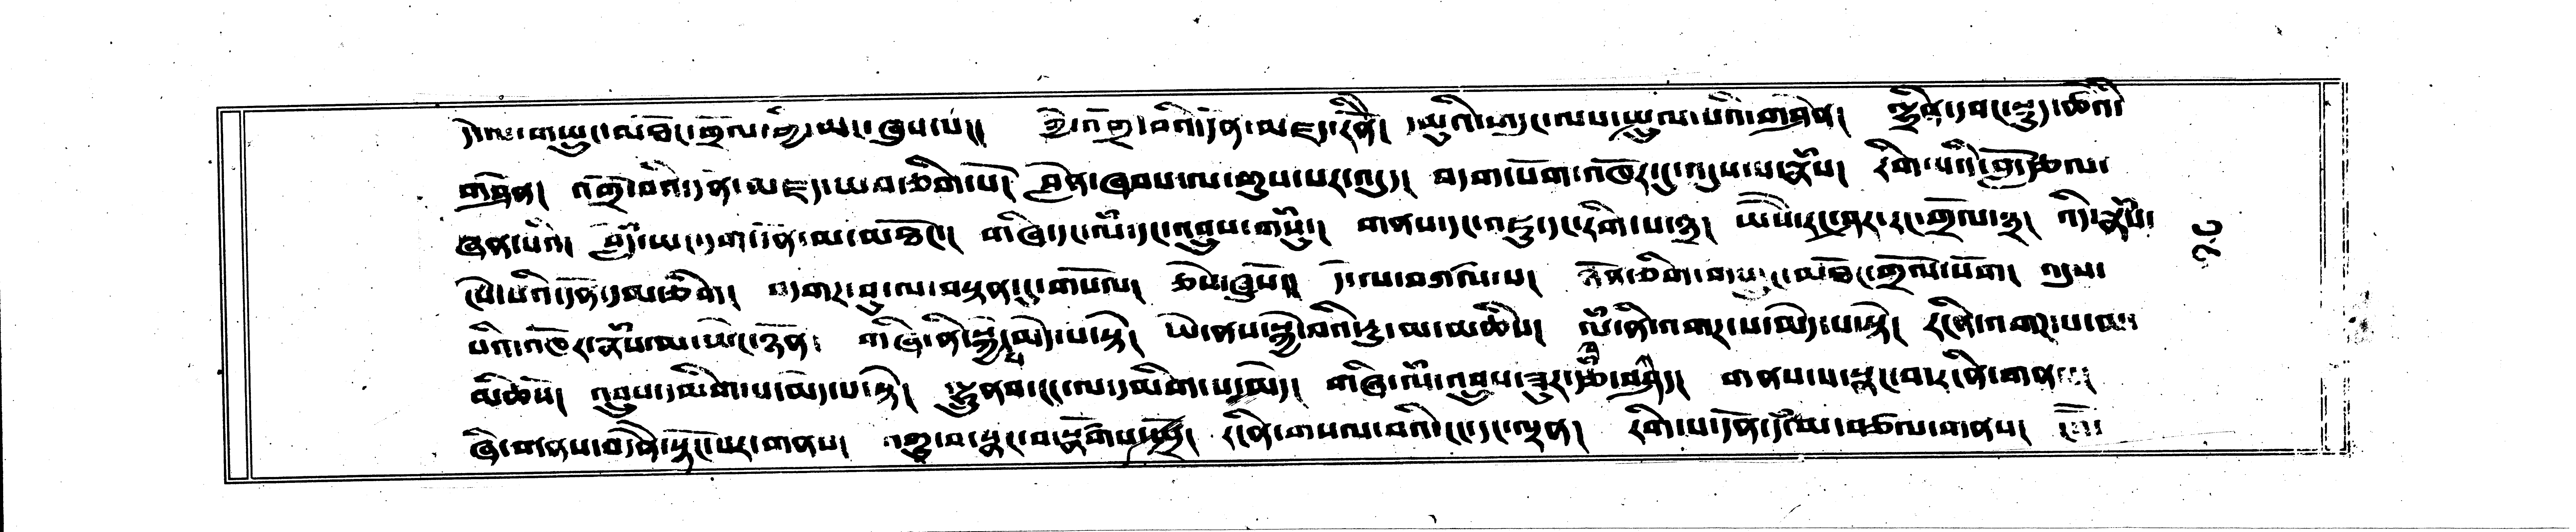དེ་ལ་གཡུང་དྲུང་མཐོང་གྲོལ་གྱིས་ཡང་ཞུས་པ། ཀྱེ་འགྲོ་བའི་དོན་མཛད་རིན་པོ་ཆེ། དམུའི་གདུང་ལས་སྤྲུལ་པའི་གཤེན། ལྷ་སྲིན་དབང་སྡུད་ཚེའི་
གཤེན། འགྲོ་བའི་དོན་མཛད་ཡབ་ཅིག་པོ། བླ་ཆེན་ཞབས་ལ་གུས་པར་འདུད། བདག་སོགས་འཁོར་དུའདུས་པ་རྣམས། རིག་པའི་བློ་རྩལ་
ཞན་པ་ཡིས། བླ་མེད་ཡང་དག་དོན་མ་མཐོང་། གཞི་དང་ལམ་དང་འབྲས་བུ་གསུམ། གནས་དང་འགྱུ་དང་རིག་པ་གསུམ། ཡེ་ཤེས་རང་ཤར་རང་གྲོལ་གསུམ། འདི་རྣམས་
ངེས་པའི་དོན་དམ་གཅིག བདག་ཅག་བུ་ལ་བསྟན་དུ་གསོལ། ཅེས་ཞུས་སོ། །དེ་ལ་བཀའ་སྩལ་པ། ཉོན་ཅིག་གཡུང་དྲུང་མཐོང་གྲོལ་སོགས། འདུས་
པའི་འཁོར་རྣམས་མ་ཡེངས་ཉོན། གཞི་ནི་སྐྱེ་བ་མེད་པ་སྟེ། ཡེ་ནས་སྐྱེ་བའི་རྒྱུ་མ་མཆིས། ལམ་ནི་འགག་པ་མེད་པ་སྟེ། རང་བཞིན་འགག་པ་མ་
མཆིས་སོ། འབྲས་བུ་དམིགས་པ་མེད་པ་སྟེ། ལྷུན་གྲུབ་ངང་ལ་དམིགས་པ་མེད། གཞི་ལམ་འབྲས་བུ་ཟུར་བཤད་རྩ། གནས་པ་སྣང་བ་རང་བཞིན་གནས། 
ཞི་གནས་བདེ་ཆེན་སྟོང་པར་གནས། འགྱུ་བ་སྣང་བ་སྣ་ཚོགས་སྤྲོ། རང་བཞིན་གསལ་བའི་ངང་དང་ལྡན། རིག་པ་དོན་དམ་མ་བཙལ་གནས། ངོ་བོ་